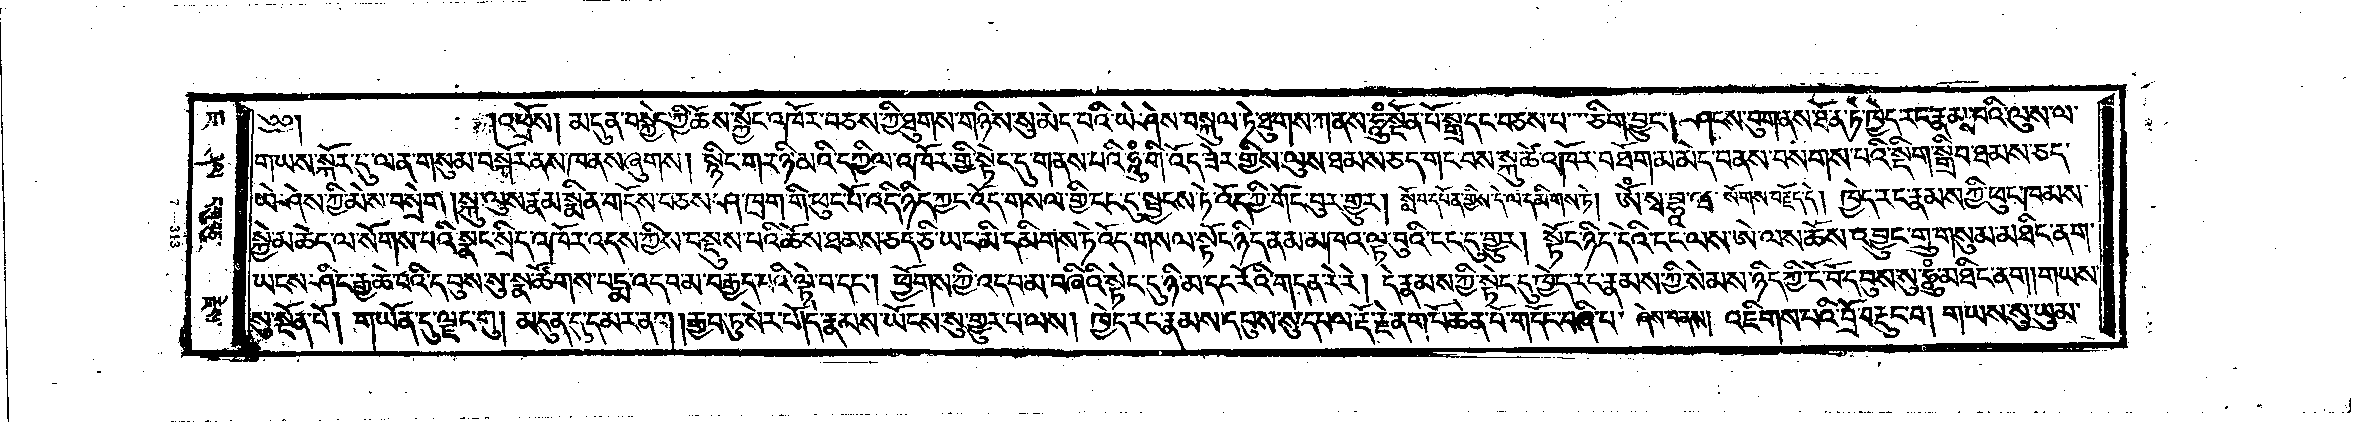༄༅། །འཕྲོས། མདུན་བསྐྱེད་ཀྱི་ཆོས་སྐྱོང་འཁོར་བཅས་ཀྱི་ཐུགས་གཉིས་སུ་མེད་པའི་ཡེ་ཤེས་བསྐུལ་ཏེ་ཐུགས་ཀ་ནས་ཧཱུཾ་སྔོན་པོ་སྒྲ་དང་བཅས་པ་ཅིག་བྱུང་། ཤངས་བུག་ནས་ཐོན་ཏེ་ཁྱེད་རང་རྣམས་པའི་ལུས་ལ་
གཡས་སྐོར་དུ་ལན་གསུམ་བསྐོར་ནས་ཁ་ནས་ཞུགས། སྙིང་གར་ཉི་མའི་དཀྱིལ་འཁོར་གྱི་སྟེང་དུ་གནས་པའི་ཧཱུཾ་གི་འོད་ཟེར་གྱིས་ལུས་ཐམས་ཅད་གང་བས་སྐུ་ཚེ་འཁོར་བ་ཐོག་མ་མེད་པ་ནས་བསགས་པའི་སྡིག་སྒྲིབ་ཐམས་ཅད་
ཡེ་ཤེས་ཀྱི་མེས་བསྲེག །སྐུ་ལུས་རྣམ་སྨིན་གདོས་བཅས་ཤ་ཁྲག་གི་ཕུང་པོ་འདི་ཉིད་ཀྱང་འོད་གསལ་གྱི་ངང་དུ་སྦྱངས་ཏེ་འོད་ཀྱི་གོང་བུར་གྱུར། སློབ་དཔོན་གྱིས་དེ་ལ་དམིགས་ཏེ། ཨོཾ་སྭ་བྷཱ་ཝ་སོགས་བརྗོད་དེ། ཁྱེད་རང་རྣམས་ཀྱི་ཕུང་ཁམས་
སྐྱེ་མཆེད་ལ་སོགས་པའི་སྣང་སྲིད་འཁོར་འདས་ཀྱིས་བསྡུས་པའི་ཆོས་ཐམས་ཅད་ཅི་ཡང་མི་དམིགས་ཏེ་འོད་གསལ་སྟོང་ཉིད་ནམ་མཁའ་ལྟ་བུའི་ངང་དུ་གྱུར། སྟོང་ཉིད་དེའི་ངང་ལས་ཨེ་ལས་ཆོས་འབྱུང་གྲུ་གསུམ་མཐིང་ནག་
ཡངས་ཤིང་རྒྱ་ཆེ་བའི་དབུས་སུ་སྣ་ཚོགས་པདམ་འདབ་མ་བརྒྱད་པའི་ལྟེ་བ་དང་། ཕྱོགས་ཀྱི་འདབ་མ་བཞིའི་སྟེང་དུ་ཉི་མ་དང་རོའི་གདན་རེ་རེ། དེ་རྣམས་ཀྱི་སྟེང་དུ་ཁྱེད་རང་རྣམས་ཀྱི་སེམས་ཉིད་ཀྱི་ངོ་བོ་དབུས་སུ་ཧཱུཾ་མཐིང་ནག །གཡས་
སུ་སྔོན་པོ། གཡོན་དུ་ལྗང་གུ། མདུན་དུ་དམར་ནག །རྒྱབ་ཏུ་སེར་པོ། དེ་རྣམས་ཡོངས་སུ་གྱུར་པ་ལས། ཁྱེད་རང་རྣམས་དབུས་སུ་དཔལ་རྡོ་རྗེ་ནག་པོ་ཆེན་པོ་གདོང་བཞི་པ་ཞེས་པ་ནས། འཇིགས་པའི་བྲོ་བརྡུང་བ། གཡས་སུ་ཡུམ་